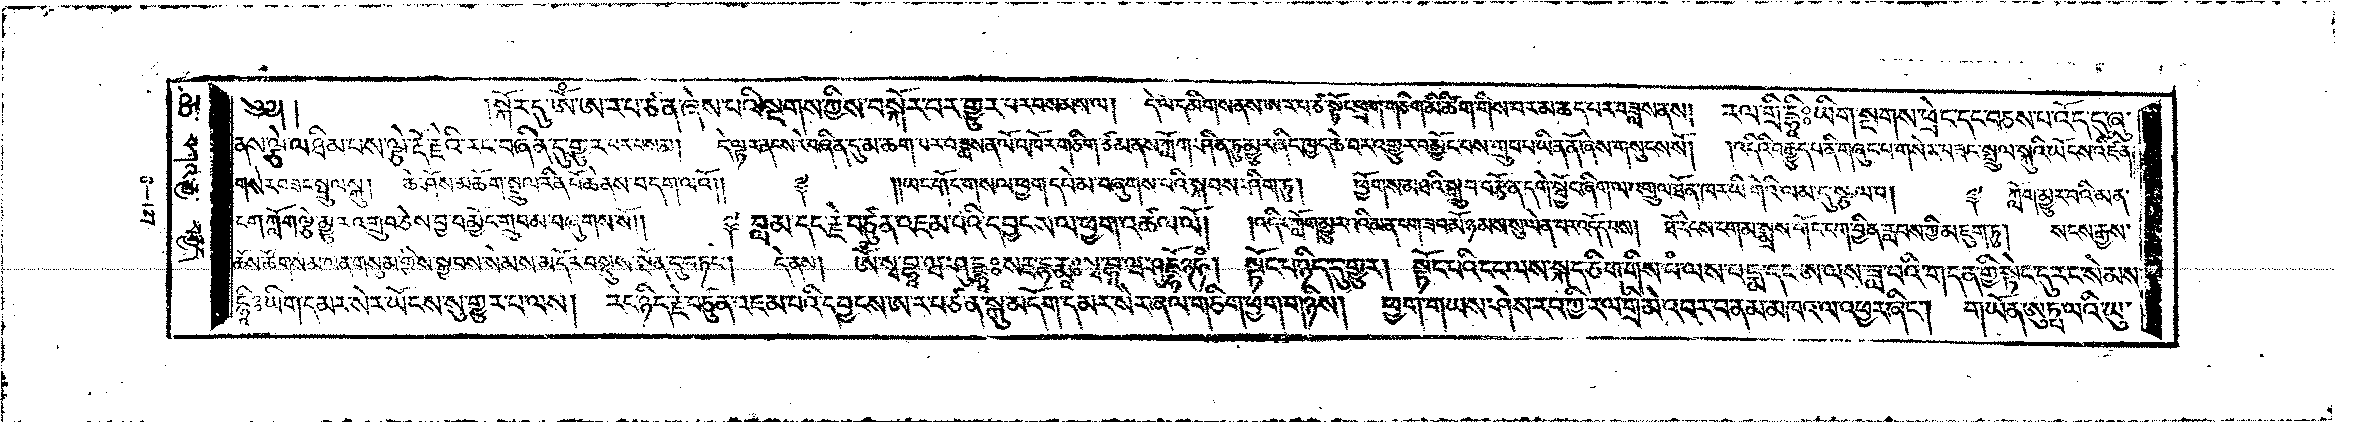༄༅། །སྐོར་དུ་ཨོཾ་ཨ་ར་པ་ཙ་ན་ཞེས་པའི་སྔགས་ཀྱིས་བསྐོར་བར་གྱུར་པར་བསམས་ལ། དེ་ལ་དམིགས་ནས་ཨ་ར་པ་ཙ་སྟོང་ཕྲག་གཅིག་མི་ཚིག་གིས་བར་མ་ཆད་པར་བཟླས་ནས།  རལ་གྲི་དྷཱིཿཡིག་སྔགས་ཕྲེང་དང་བཅས་པ་འོད་དུ་ཞུ་
ནས་ལྕེ་ལ་ཐིམ་པས་ལྕེ་རྡོ་རྗེའི་རང་བཞིན་དུ་གྱུར་པར་བསམ། དེ་ལྟར་ནངས་རེ་བཞིན་དུ་མ་ཆག་པར་བཟླས་ན་ལོ་འཁོར་གཅིག་ཙམ་ནས་ཀློག་ཤིན་ཏུ་མྱུར་ཞིང་ཁྱད་ཆེ་བར་འགྱུར་བ་མྱོང་བས་གྲུབ་པ་ཡིན་ནོ་ཞེས་གསུངས་སོ། །འདིའི་བརྒྱུད་པ་ནི་གཞུང་པ་གསེར་བཟང་སྤྲུལ་སྐུའི་ཡོངས་འཛིན།
གསེར་བཟང་སྤྲུལ་སྐུ། ཆེ་ཤོས་མཆོག་སྤྲུལ་རིན་པོ་ཆེ་ནས་བདག་ལའོ།། ༈ །།ཡང་གོང་གསལ་ཕྱག་དཔེ་མ་བཞུགས་པའི་སྐབས་ཤིག་ཏུ། ཕྱོགས་མཐའི་སྒྲུབ་བརྩོན་དགེ་སྦྱོང་ཞིག་ལ་འགྲུལ་ཐོན་ཁར་ཡི་གེའི་ལམ་དུ་སྩལ་བ། ༈ ཀློག་མྱུར་བའི་མན་
ངག་ཀློག་ལྕེ་མྱུར་འགྲུབ་ཅེས་བྱ་བ་མྱོང་གྲུབ་མ་བཞུགས་སོ།། ༈ བླ་མ་དང་རྗེ་བཙུན་འཇམ་པའི་དབྱངས་ལ་ཕྱག་འཚལ་ལོ། །འདིར་ཀློག་མྱུར་བའི་མན་ངག་ཟབ་མོ་ཉམས་སུ་ལེན་པར་འདོད་པས། ཐོ་རེངས་ངག་མ་སྨྲས་གོང་ངག་བྱིན་རླབས་ཀྱི་མཇུག་ཏུ། སངས་རྒྱས་
ཆོས་ཚོགས་མ་ལན་གསུམ་གྱིས་སྐྱབས་སེམས་མདོར་བསྡུས་སྔོན་དུ་བཏང་། དེ་ནས། ཨོཾ་སྭ་བྷཱ་ཝ་ཤུདྡྷཱཿསརྦ་དྷརྨཱཿསྭ་བྷཱ་ཝ་ཤུདྡྷོཉཧཾ། སྟོང་པ་ཉིད་དུ་གྱུར། སྟོང་པའི་ངང་ལས་སྐད་ཅིག་གིས་པཾ་ལས་པདམ་དང་ཨ་ལས་ཟླ་བའི་གདན་གྱི་སྟེང་དུ་རང་སེམས་
དྷཱིཿཡིག་དམར་སེར་ཡོངས་སུ་གྱུར་པ་ལས། རང་ཉིད་རྗེ་བཙུན་འཇམ་པའི་དབྱངས་ཨ་ར་པ་ཙ་ན་སྐུ་མདོག་དམར་སེར་ཞལ་གཅིག་ཕྱག་གཉིས། ཕྱག་གཡས་ཤེས་རབ་ཀྱི་རལ་གྲི་མེ་འབར་བ་ནམ་མཁའ་ལ་འཕྱར་ཞིང་། གཡོན་ཨུཏྤ་ལའི་ཡུ་